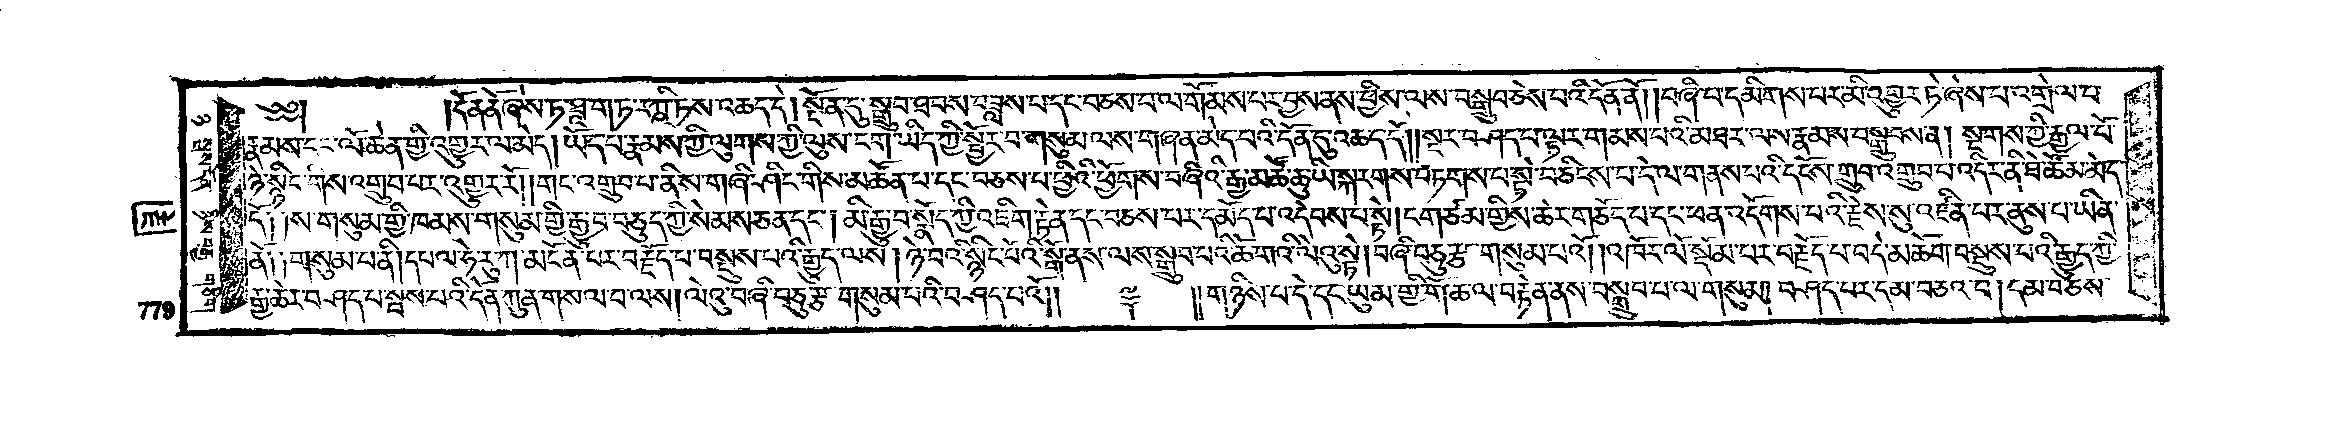༄༅། །དོན་ནོ་ཞེས་ཏ་ཐཱ་ག་ཏ་རཀྵི་ཏས་འཆད་དེ། སྔོན་དུ་སྒྲུབ་ཐབས་བཟླས་པ་དང་བཅས་པ་ལ་གོམས་པར་བྱས་ནས་ཕྱིས་ལས་བསྒྲུབ་ཅེས་པའི་དོན་ནོ། །བཞི་པ་དམིགས་པར་མི་འགྱུར་ཏེ་ཞེས་པ་འགྲེལ་པ་
རྣམས་དང་ལོ་ཆེན་གྱི་འགྱུར་ལ་མེད། ཡོད་པ་རྣམས་ཀྱི་ལུགས་ཀྱི་ལུས་ངག་ཡིད་ཀྱི་སྦྱོར་བ་གསུམ་ལས་གཞན་མེད་པའི་དོན་དུ་འཆད་དོ། །སྔར་བཤད་པ་ལྟར་གོམས་པའི་མཐར་ལས་རྣམས་བསྒྲུབས་ནི། སྔགས་ཀྱི་རྒྱལ་པོ་
ཉེ་སྙིང་གིས་འགྲུབ་པར་འགྱུར་རོ། །གང་འགྲུབ་པ་ནི་ས་གཞི་ཤིང་གིས་མཚོན་པ་དང་བཅས་པ་ཕྱིའི་ཕྱོགས་བཞིའི་རྒྱ་མཚོ་ཆུ་ཡི་སྐ་རགས་བཏགས་པ་སྟེ་བཅིངས་པ་དེ་ལ་གནས་པའི་དངོས་གྲུབ་འགྲུབ་པ་འདིར་ནི་ཐེ་ཚོམ་མེད་
དོ༑ ༑ས་གསུམ་གྱི་ཁམས་གསུམ་གྱི་རྒྱུ་བ་བཅུད་ཀྱི་སེམས་ཅན་དང་། མི་རྒྱུ་བ་སྣོད་ཀྱི་འཇིག་རྟེན་དང་བཅས་པར་དམོད་པ་འདེབས་པ་སྟེ། ངག་ཙམ་གྱིས་ཆེར་གཅོད་པ་དང་ཕན་འདོགས་པའི་རྗེས་སུ་འཛིན་པར་ནུས་པ་ཡིན་
ནོ༑ ༑གསུམ་པ་ནི། དཔལ་གེ་རུ་ཀ་མངོན་པར་བརྗོད་པ་བསྡུས་པའི་རྒྱུད་ལས། ཉེ་བའི་སྙིང་པོའི་སྒོ་ནས་ལས་སྒྲུབ་པའི་ཆོ་གའི་ལེའུ་སྟེ། བཞི་བཅུ་རྩ་གསུམ་པའོ། །འཁོར་ལོ་སྡོམ་པར་བརྗོད་པ་བདེ་མཆོག་བསྡུས་པའི་རྒྱུད་ཀྱི་
རྒྱ་ཆེར་བཤད་པ་སྦས་པའི་དོན་ཀུན་གསལ་བ་ལས། ལེའུ་བཞི་བཅུ་རྩ་གསུམ་པའི་བཤད་པའོ།། ༈ །།གཉིས་པ་དེ་དང་ཡུམ་གྱི་གོ་ཆ་ལ་བརྟེན་ནས་བསྒྲུབ་པ་ལ་གསུམ། བཤེད་པར་དམ་བཅའ་བ། དམ་བཅས་